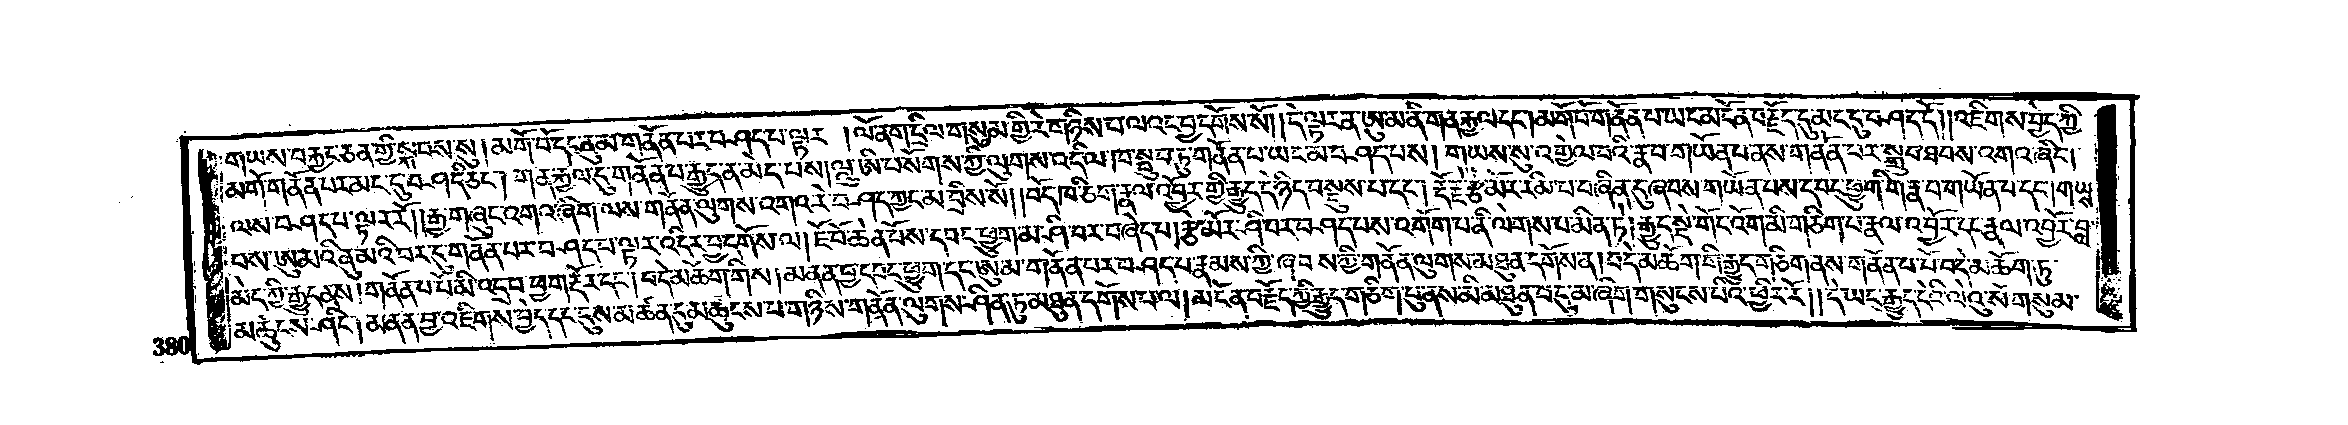གཡས་བརྐྱང་ཅན་གྱི་སྐབས་སུ། མགོ་བོ་དང་ནུ་མ་གནོན་པར་བཤད་པ་ལྟར་།ལོ་ནག་དྲིལ་གསུམ་གྱི་རེ་གཉིས་པ་ལའང་བྱ་དགོས་སོ། །དེ་ལྟར་ན་ཨུ་མ་ནི་གན་རྐྱལ་དང་། མགོ་བོ་གནོན་པ་ཡང་མངོན་བརྗོད་དུ་མང་དུ་བཤད་དེ། །འཇིགས་བྱེད་ཀྱི་
མགོ་གནོན་པར་མང་དུ་བཤད་ཅིང་། གན་རྐྱལ་དུ་གནོན་པ་རྒྱུད་ན་མེད་པས། ལཱུ་ཨི་པ་སོགས་ཀྱི་ལུགས་འདི་ལ་ཁ་སྦུབ་ཏུ་གནོན་པ་ཡང་མ་བཤད་པས། གཡས་སུ་འགྱེལ་བའི་རྣ་བ་གཡོན་པ་ནས་གནོན་པར་སྒྲུབ་ཐབས་འགའ་ཞིག་
ལས་བཤད་པ་ལྟར་རོ། །རྒྱ་གཞུང་འགའ་ཞིག་ལས་གནོན་ལུགས་འགའ་རེ་བཤད་ཀྱང་མ་བྲིས་སོ། །བོད་ཁ་ཅིག་རྣལ་འབྱོར་གྱི་རྒྱུད་དེ་ཉིད་བསྡུས་པ་དང་། རྡོ་རྗེ་རྩེ་མོར་རིམ་པ་བཞིན་དུ་ཞབས་གཡོན་པས་དབང་ཕྱུག་གི་རྣ་བ་གཡོན་པ་དང་། གཡས་
པས་ཨུ་མའི་ནུ་མའི་བར་དུ་གནོན་པར་བཤད་པ་ལྟར་འདིར་བྱ་དགོས་ལ། ཇོ་བོ་ཆེན་པོས་དབང་ཕྱུག་མ་ཤི་བར་བཞེད་པ། རྩེ་མོར་ཤི་བར་བཤད་པས་འགོག་པ་ནི་ལེགས་པ་མིན་ཏེ། རྒྱུད་སྡེ་གོང་འོག་མི་གཅིག་པ་རྣལ་འབྱོར་དང་རྣལ་འབྱོར་བླ་
མེད་ཀྱི་རྒྱུད་ནས། གནོན་པ་པོ་མི་འདྲ་བ་ཕྱག་རྡོར་དང་། བདེ་མཆོག་གིས། མནན་བྱ་དབང་ཕྱུག་དང་ཨུ་མ་གནོན་པར་བཤད་པ་རྣམས་ཀྱི་ཞབས་ཀྱི་གནོན་ལུགས་མཐུན་དགོས་ན། བདེ་མཆོག་གི་རྒྱུད་གཅིག་ནས་གནོན་པ་པོ་བདེ་མཆོག་ཏུ་
མཚུངས་ཤིང་། མནན་བྱ་འཇིགས་བྱེད་དང་དུས་མཚན་དུ་མཚུངས་པ་གཉིས་གནོན་ལུགས་ཤིན་ཏུ་མཐུན་དགོས་པ་ལ། མངོན་བརྗོད་ཀྱི་རྒྱུད་གཅིག་པུ་ནས་མི་མཐུན་པ་དུ་མ་ཞིག་གསུངས་པའི་ཕྱིར་རོ། །དེ་ཡང་རྒྱུད་དེའི་ལེའུ་སོ་གསུམ་